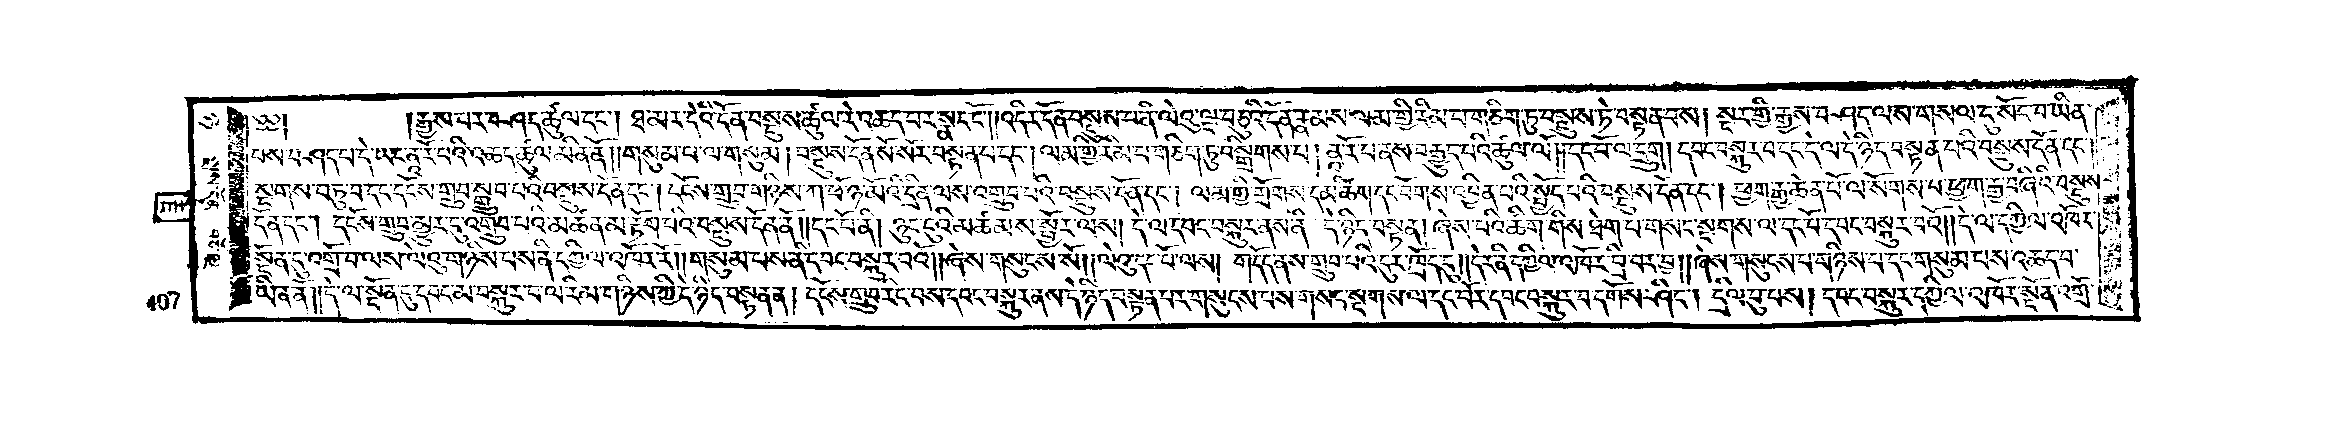༄༅། །རྒྱས་པར་བཤད་ཚུལ་དང་། ཐ་མར་དེའི་དོན་བསྡུས་ཚུལ་རེ་འཆད་པར་སྣང་ངོ། །འདིར་དོན་བསྡུས་པ་ནི་ལེའུ་ལྔ་བཅུའི་དོན་རྣམས་ལམ་གྱི་རིམ་པ་གཅིག་ཏུ་བསྡུས་ཏེ་བསྟན་པས། སྔར་གྱི་རྒྱས་བཤད་ལས་གསལ་དུ་སོང་བ་ཡིན་
པས་བཤད་པ་དེ་ཡང་ནཱ་རོ་པའི་འཆད་ཚུལ་མིན་ནོ། །གསུམ་པ་ལ་གསུམ། བསྡུས་དོན་སོ་སོར་བསྟན་པ་དང་། ལམ་གྱི་རིམ་པ་གཅིག་ཏུ་བསྒྲིགས་པ། ནཱ་རོ་པ་ནས་བརྒྱུད་པའི་ཚུལ་ལོ། །དང་པོ་ལ་དྲུག །དབང་བསྐུར་བ་དང་དེ་ལ་དེ་ཉིད་བསྟན་པའི་བསྡུས་དོན་དང་།
སྔགས་བཏུ་བ་དང་དངོས་གྲུབ་སྒྲུབ་པའི་བསྡུས་དོན་དང་། དངོས་གྲུབ་གཉིས་ཀ་ཕོ་ཉ་མོའི་དྲིན་ལས་འགྲུབ་པའི་བསྡུས་དོན་དང་། ལམ་གྱི་གྲོགས་དམ་ཚིག་དང་བོགས་འབྱིན་པའི་སྤྱོད་པའི་བསྡུས་དོན་དང་། ཕྱག་རྒྱ་ཆེན་པོ་ལ་སོགས་པ་ཕྱག་རྒྱ་བཞིའི་བསྡུས་
དོན་དང་། དངོས་གྲུབ་མྱུར་དུ་འགྲུབ་པའི་མཚན་མ་རྟོག་པའི་བསྡུས་དོན་ནོ། །དང་པོ་ནི། ཉུང་ངུའི་མཚམས་སྦྱོར་ལས། དེ་ལ་དབང་བསྐུར་ནས་ནི་དེ་ཉིད་བསྟན། ཞེས་པའི་ཚིག་གིས་ཐེག་པ་གསང་སྔགས་ལ་དང་པོ་དབང་བསྐུར་བའོ། །དེ་ལ་དཀྱིལ་འཁོར་
སྔོན་དུ་འགྲོ་བ་ལས་ལེའུ་གཉིས་པས་ནི་དཀྱིལ་འཁོར་རོ། །གསུམ་པས་ནི་དབང་བསྐུར་བའོ། །ཞེས་གསུངས་སོ། །ལེའུ་དང་པོ་ལས། གདོད་ནས་གྲུབ་པའི་དུར་ཁྲོད་དུ། །དེར་ནི་དཀྱིལ་འཁོར་བྲི་བར་བྱ། །ཞེས་གསུངས་པ་གཉིས་པ་དང་གསུམ་པས་འཆད་བ་
ཡིན་ནོ། །དེ་ལ་སྔོན་དུ་དབང་མ་བསྐུར་བ་ལ་རིམ་གཉིས་ཀྱི་དེ་ཉིད་བསྟན་ན། དངོས་གྲུབ་རིང་བས་དབང་བསྐུར་ནས་དེ་ཉིད་བསྟན་པར་གསུངས་པས་གསང་སྔགས་ལ་དང་པོར་དབང་བསྐུར་བ་དགོས་ཤིང་། དྲིལ་བུ་པས། དབང་བསྐུར་དཀྱིལ་འཁོར་སྔོན་འགྲོ་